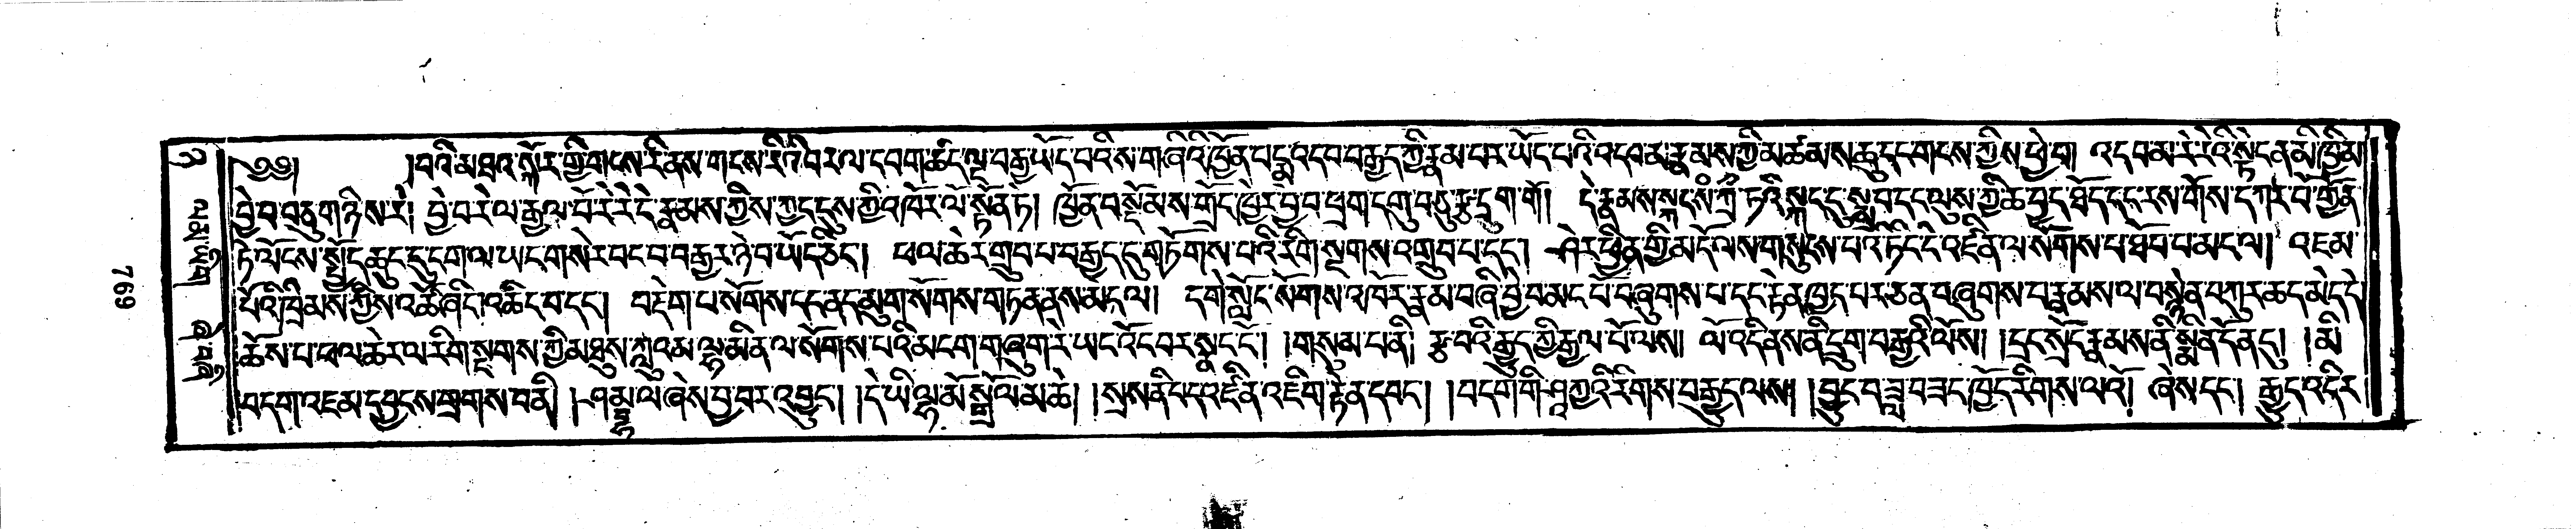༄༅། །བའི་མཐའ་སྐོར་གྱི་གངས་རི་ནས་གངས་རིའི་བར་ལ་དབག་ཚད་ལྔ་བརྒྱ་ཡོད་པའི་ས་གཞིའི་ཁྱོན་པདམ་འདབ་བརྒྱད་ཀྱི་རྣམ་པར་ཡོད་པའི་འདབ་མ་རྣམས་ཀྱི་མཚམས་ཆུ་དང་གངས་ཀྱིས་ཕྱེ་བ། འདབ་མ་རེ་རེའི་སྟེང་ན་མི་ཁྱིམ་
བྱེ་བ་བཅུ་གཉིས་རེ། བྱེ་བ་རེ་ལ་རྒྱལ་པོ་རེ་རེ་དེ་རྣམས་ཀྱིས་ཀྱང་དུས་ཀྱི་འཁོར་ལོ་སྟོན་ཏེ། ཁྱོན་བསྡོམས་གྲོང་ཁྱེར་བྱེ་བ་ཕྲག་དགུ་བཅུ་རྩ་དྲུག་གོ། དེ་རྣམས་སྐད་སཾ་ཀྲྀ་ཏའི་སྐད་དུ་སྨྲ་བ་དང་ལུས་ཀྱི་ཆ་བྱད་ཐོད་དང་རས་གོས་དཀར་བོ་གྱོན་
ཏེ་ལོངས་སྤྱོད་ཆུང་དུ་ངག་ལ་ཡང་གསེར་བང་བ་བརྒྱར་ཉེ་བ་ཡོད་ཅིང་། ཕལ་ཆེར་གྲུབ་པ་བརྒྱད་དུ་གཏོགས་པའི་རིག་སྔགས་འགྲུབ་པ་དང་། ཤེར་ཕྱིན་གྱི་མདོ་ལས་གསུངས་པའི་ཏིང་ངེ་འཛིན་ལ་སོགས་པ་ཐོབ་པ་མང་ལ། འཇམ་
པོའི་ཁྲིམས་ཀྱིས་འཚོ་ཞིང་། འཆིང་བ་དང་། བརྡེག་པ་སོགས་དང་ནད་མུག་སོགས་གཏན་ནས་མེད་ལ། དགེ་སློང་སོགས་འཁོར་རྣམ་བཞི་བྱེ་བ་མང་པོ་བཞུགས་པ་དང་རྟེན་ཁྱད་པར་ཅན་བཞུགས་པ་རྣམས་ལ་བསྙེན་བཀུར་ཆད་མེད་དེ་
ཆོས་པ་ཕལ་ཆེར་ལ་རིག་སྔགས་ཀྱི་མཐུས་ཀླུའམ་ལྷ་མིན་ལ་སོགས་པའི་མངག་གཞུག་རེ་ཡང་འོད་བར་སྣང་ངོ། །གསུམ་པ་ནི། རྩ་བའི་རྒྱུད་ཀྱི་རྒྱལ་པོ་ལས། ལོ་འདི་ནས་ནི་དྲུག་བརྒྱའི་ལོས། །དྲང་སྲོང་རྣམས་ནི་སྨིན་དོན་དུ། །མི་
བདག་འཇམ་དབྱངས་གྲགས་བ་ནི། །ཤམྦྷ་ལ་ཞེས་བྱ་བར་འབྱུང་། །དེ་ཡི་ལྷ་མོ་སྒྲོལ་མ་ཆེ། །སྲས་ནི་པད་འཛིན་འཇིག་རྟེན་དབང་། །བདག་གི་ཤཱཀྱའི་རིགས་བརྒྱུད་ལས། །བྱུང་བ་ཟླ་བཟང་ཁྱོད་རིགས་ལའོ། །ཞེས་དང་། རྒྱུད་འདིར་